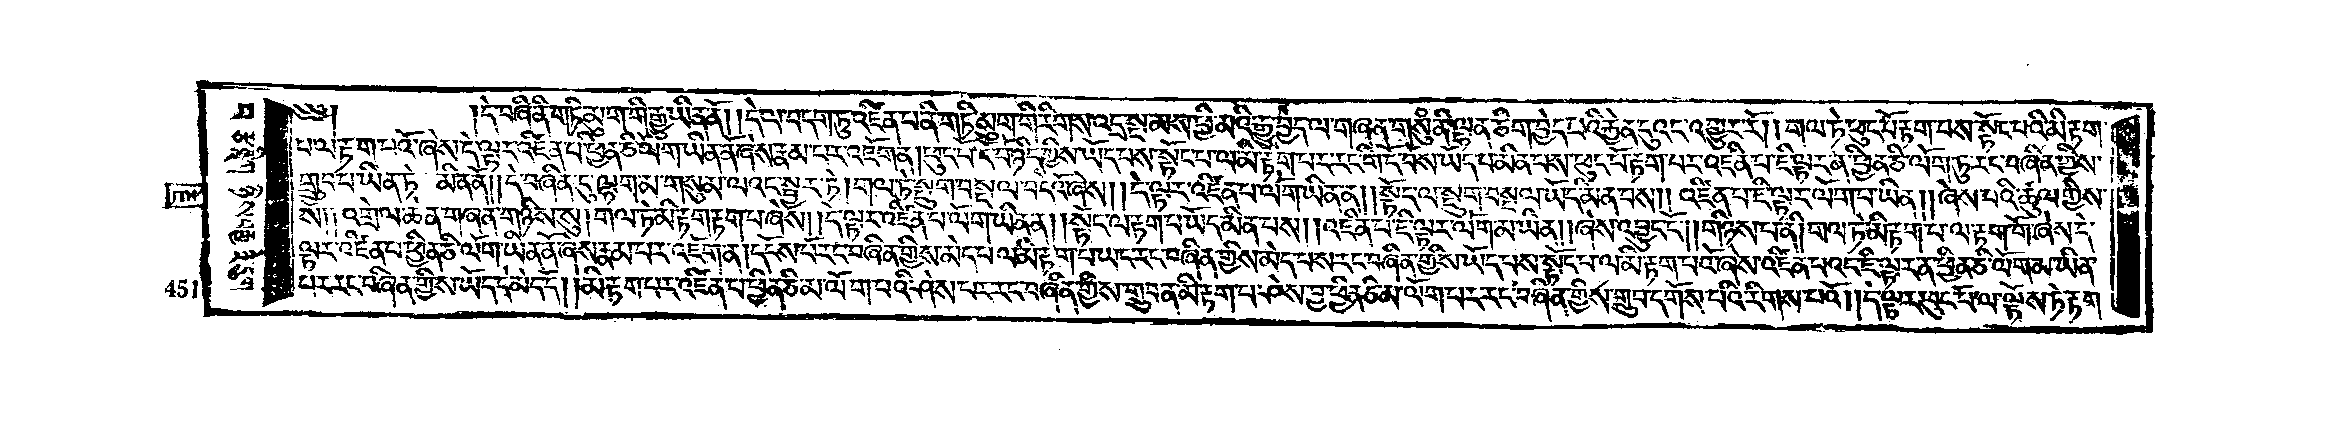༄༅། །དེ་བཞི་ནི་གཏི་མུག་གི་རྒྱུ་ཡིན་ནོ། །དེ་ལ་བདག་ཏུ་འཛིན་པ་ནི་གཏི་མུག་གི་རིགས་འདྲ་སྔ་མས་ཕྱི་མའི་རྒྱུ་བྱེད་ལ་གཞན་གསུཾ་ནི་ལྷན་ཅིག་བྱེད་པའི་རྐྱེན་དུའང་འགྱུར་རོ། །གལ་ཏེ་ཕུང་པོ་རྟག་པས་སྟོང་པའི་མི་རྟག་
པ་ལ་རྟག་པའོ་ཞེས་དེ་ལྟར་འཛིན་པ་ཕྱིན་ཅི་ལོག་ཡིན་ནོ་ཞེས་རྣམ་པར་འཇོག་ན། ཕུང་པོ་ངོ་བོ་ཉིད་ཀྱིས་ཡོད་པས་སྟོང་པ་ལ་མི་རྟག་པར་རང་གི་ངོ་བོས་ཡོད་པ་མིན་པས་ཕུང་པོ་རྟག་པར་འཛིན་པ་ཇི་ལྟར་ན་ཕྱིན་ཅི་ལོག་ཏུ་རང་བཞིན་གྱིས་
གྲུབ་པ་ཡིན་ཏེ་མིན་ནོ། །དེ་བཞིན་དུ་ལྷག་མ་གསུམ་ལའང་སྦྱར་ཏེ། གལ་ཏེ་སྡུག་བསྔལ་བདེའོ་ཞེས། །དེ་ལྟར་འཛིན་པ་ལོག་ཡིན་ན། །སྟོང་ལ་སྡུག་བསྔལ་ཡོད་མིན་པས། །འཛིན་པ་ཇི་ལྟར་ལོག་པ་ཡིན། །ཞེས་པའི་ཚུལ་གྱིས་
སོ༑ ༑འགྲེལ་ཆེན་གཞན་གཉིས་སུ། གལ་ཏེ་མི་རྟག་རྟག་པ་ཞེས། །དེ་ལྟར་འཛིན་པ་ལོག་ཡིན་ན། །སྟོང་ལ་རྟག་པ་ཡོད་མིན་པས། །འཛིན་པ་ཇི་ལྟར་ལོག་མ་ཡིན། །ཞེས་འབྱུང་ངོ། །གཉིས་པ་ནི། གལ་ཏེ་མི་རྟག་པ་ལ་རྟག་གོ་ཞེས་དེ་
ལྟར་འཛིན་པ་ཕྱིན་ཅི་ལོག་ཡིན་ནོ་ཞེས་རྣམ་པར་འཇོག་ན། དངོས་པོ་རང་བཞིན་གྱིས་མེད་པ་ལ་མི་རྟག་པ་ཡང་རང་བཞིན་གྱིས་མེད་པས་རང་བཞིན་གྱི་ཡོད་པས་སྟོང་པ་ལ་མི་རྟག་པའོ་ཞེས་འཛིན་པའང་ཇི་ལྟར་ན་ཕྱིན་ཅི་ལོག་མ་ཡིན་
པར་རང་བཞིན་གྱིས་ཡོད་དེ་མེད་དོ། །མི་རྟག་པར་འཛིན་པ་ཕྱིན་ཅི་མ་ལོག་པའི་ཤེས་པར་རང་བཞིན་གྱིས་གྲུབ་ན་མི་རྟག་པ་ཤེས་བྱ་ཕྱིན་ཅི་མ་ལོག་པར་རང་བཞིན་གྱིས་གྲུབ་དགོས་པའི་རིགས་པའོ། །དེ་ལྟར་ཕུང་པོ་ལ་ལྟོས་ཏེ་རྟག་